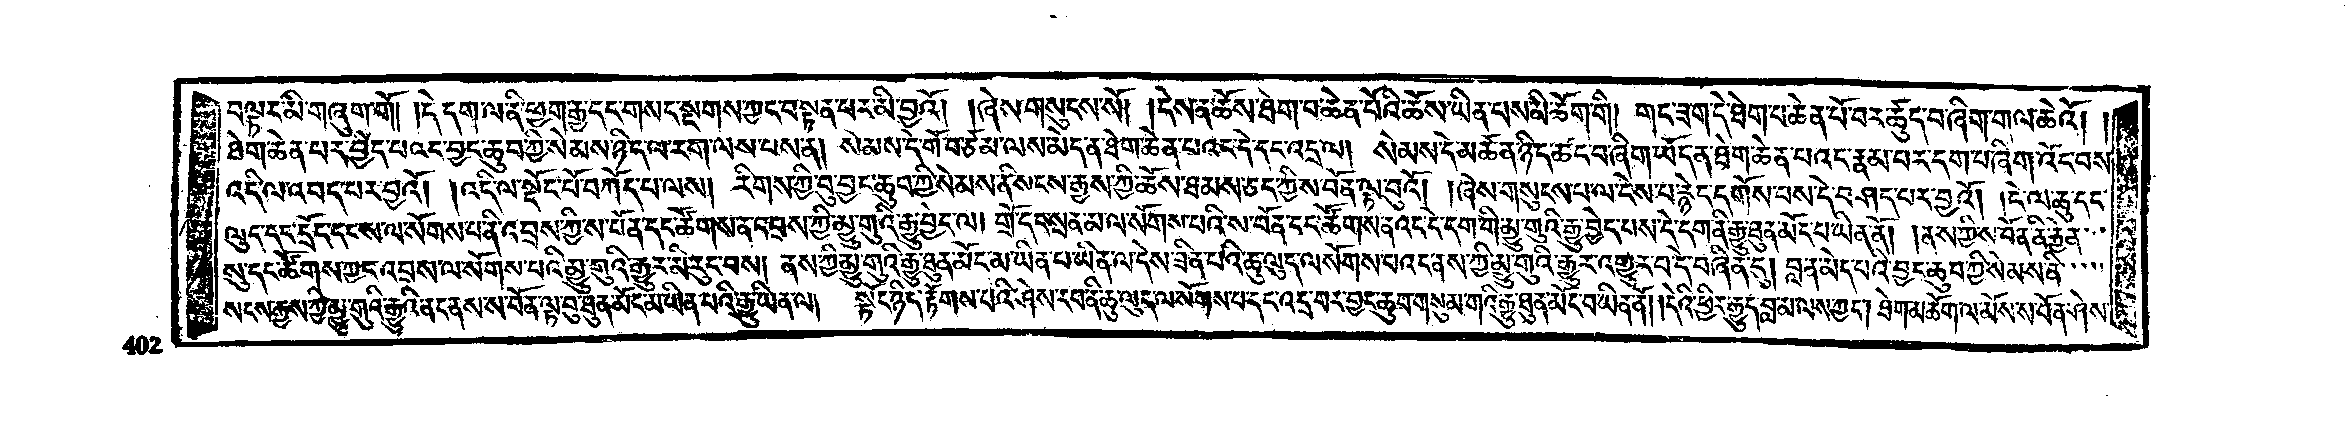བལྟར་མི་གཞུག་གོ། །དེ་དག་ལ་ནི་ཕྱག་རྒྱ་དང་གསང་སྔགས་ཀྱང་བསྟན་པར་མི་བྱའོ། །ཞེས་གསུངས་སོ། །དེས་ན་ཆོས་ཐེག་པ་ཆེན་པོའི་ཆོས་ཡིན་པས་མི་ཆོག་གི། གང་ཟག་དེ་ཐེག་པ་ཆེན་པོ་བར་ཚུད་པ་ཞིག་གལ་ཆེའོ། །
ཐེག་ཆེན་པར་བྱེད་པའང་བྱང་ཆུབ་ཀྱི་སེམས་ཉིད་ལ་རག་ལས་པས་ན། སེམས་དེ་གོ་བ་ཙམ་ལས་མེད་ན་ཐེག་ཆེན་པའང་དེ་དང་འདྲ་ལ། སེམས་དེ་མཚན་ཉིད་ཚང་བ་ཞིག་ཡོད་ན་ཐེག་ཆེན་པའང་རྣམ་པར་དག་པ་ཞིག་འོང་བས་
འདི་ལ་འབད་པར་བྱའོ། །འདི་ལ་སྡོང་པོ་བཀོད་པ་ལས། རིགས་ཀྱི་བུ་བྱང་ཆུབ་ཀྱི་སེམས་ནི་སངས་རྒྱས་ཀྱི་ཆོས་ཐམས་ཅད་ཀྱི་ས་བོན་ལྟ་བུའོ། །ཞེས་གསུངས་པ་ལ་ངེས་པ་རྙེད་དགོས་པས་དེ་བཤད་པར་བྱའོ། །དེ་ལ་ཆུ་དང་
ལུད་དང་དྲོད་དང་ས་ལ་སོགས་པ་ནི་འབྲས་ཀྱི་ས་བོན་དང་ཚོགས་ན་འབྲས་ཀྱི་མྱུ་གུའི་རྒྱུ་བྱེད་ལ། གྲོ་དང་སྲན་མ་ལ་སོགས་པའི་ས་བོན་དང་ཚོགས་ནའང་དེ་དག་གི་མྱུ་གུའི་རྒྱུ་བྱེད་པས་དེ་དག་ནི་རྒྱུ་ཐུན་མོང་པ་ཡིན་ནོ། །ནས་ཀྱི་ས་བོན་ནི་རྐྱེན་
སུ་དང་ཚོགས་ཀྱང་འབྲས་ལ་སོགས་པའི་མྱུ་གུའི་རྒྱུར་མི་རུང་བས། ནས་ཀྱི་མྱུ་གུའི་རྒྱུ་ཐུང་མོང་མ་ཡིན་པ་ཡིན་ལ་དེས་ཟིན་པའི་ཆུ་ལུད་ལ་སོགས་པའང་ནས་ཀྱི་མྱུ་གུའི་རྒྱུར་འགྱུར་པ་དེ་བཞིན་དུ། བླ་ན་མེད་པའི་བྱང་ཆུབ་ཀྱི་སེམས་ནི་
སངས་རྒྱས་ཀྱི་མྱུ་གུའི་རྒྱུའི་ནང་ནས་ས་བོན་ལྟ་བུ་ཐུན་མོང་མ་ཡིན་པའི་རྒྱུ་ཡིན་ལ། སྟོང་ཉིད་རྟོགས་པའི་ཤེས་རབ་ནི་ཆུ་ལུད་ལ་སོགས་པ་དང་འདྲ་བར་བྱང་ཆུབ་གསུམ་གའི་རྒྱུ་ཐུན་མོང་བ་ཡིན་ནོ། །དེའི་ཕྱིར་རྒྱུད་བླ་མ་ལས་ཀྱང་། ཐེག་མཆོག་ལ་མོས་ས་བོན་ཤེས་